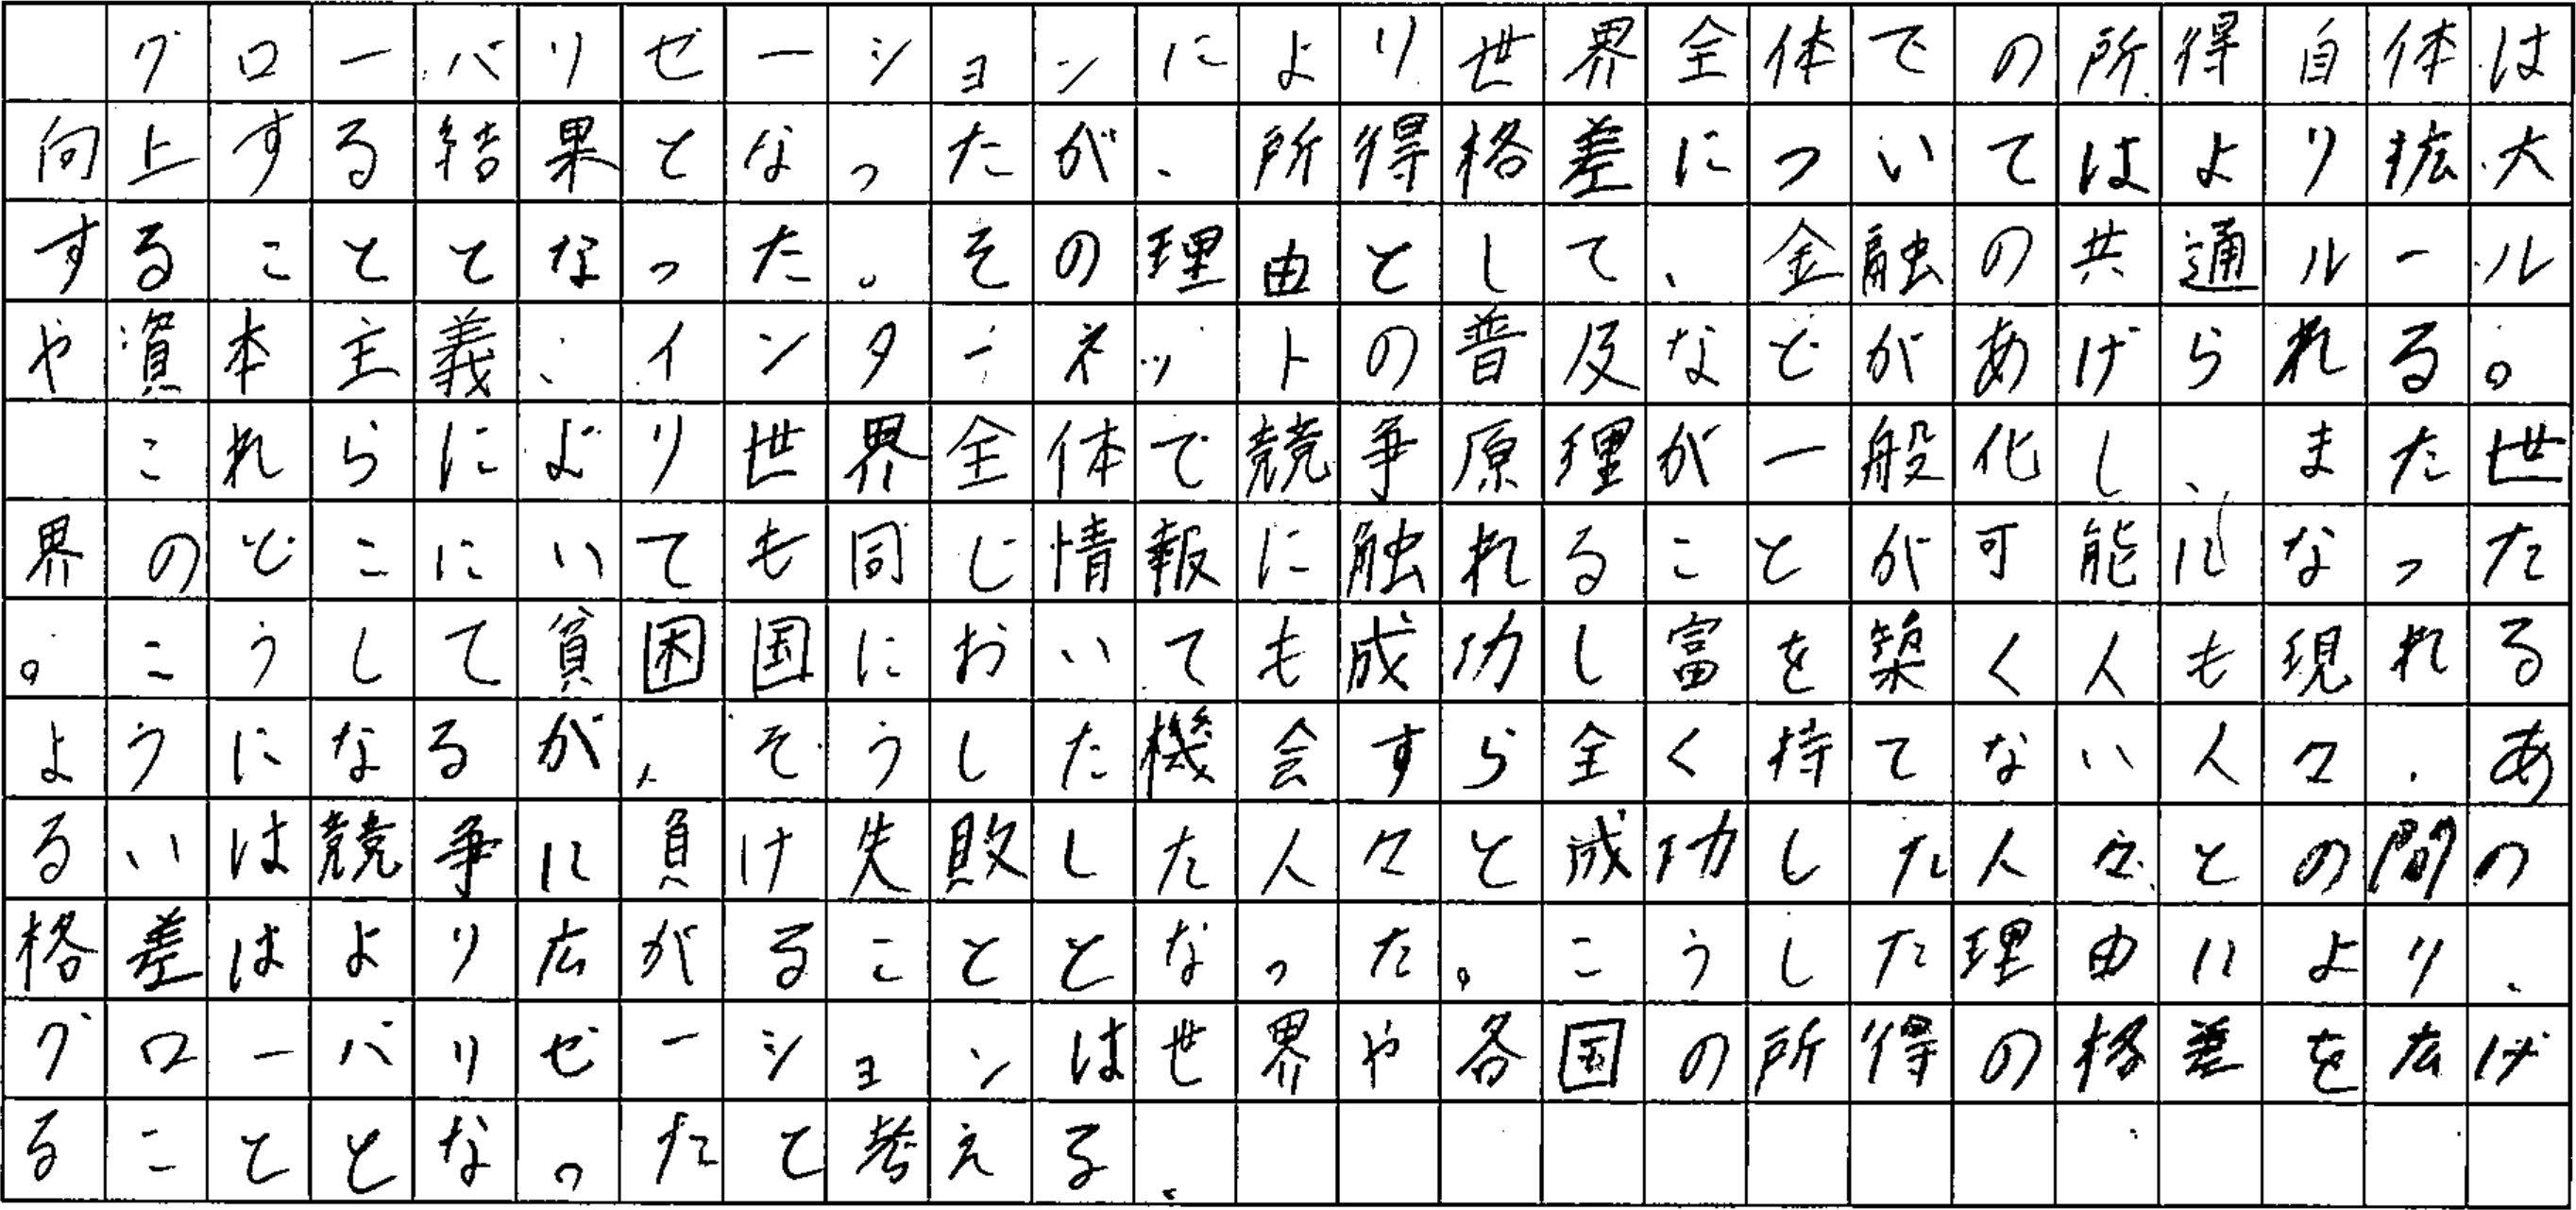　グローバリゼーションにより世界全体での所得自体は向上する結果となったが、所得格差についてはより拡大することとなった。その理由として、金融の共通ルールや資本主義、インターネットの普及などがあげられる。
　これらにより世界全体で競争原理が一般化し、また世界のどこにいても同じ情報に触れることが可能になった。こうして貧困国においても成功し富を築く人も現れるようになるが、そうした機会すら全く持てない人々、あるいは競争に負け失敗した人々と成功した人々との間の格差はより広がることとなった。こうした理由により、グローバリゼーションは世界や各国の所得の格差を広げることとなったと考える。
